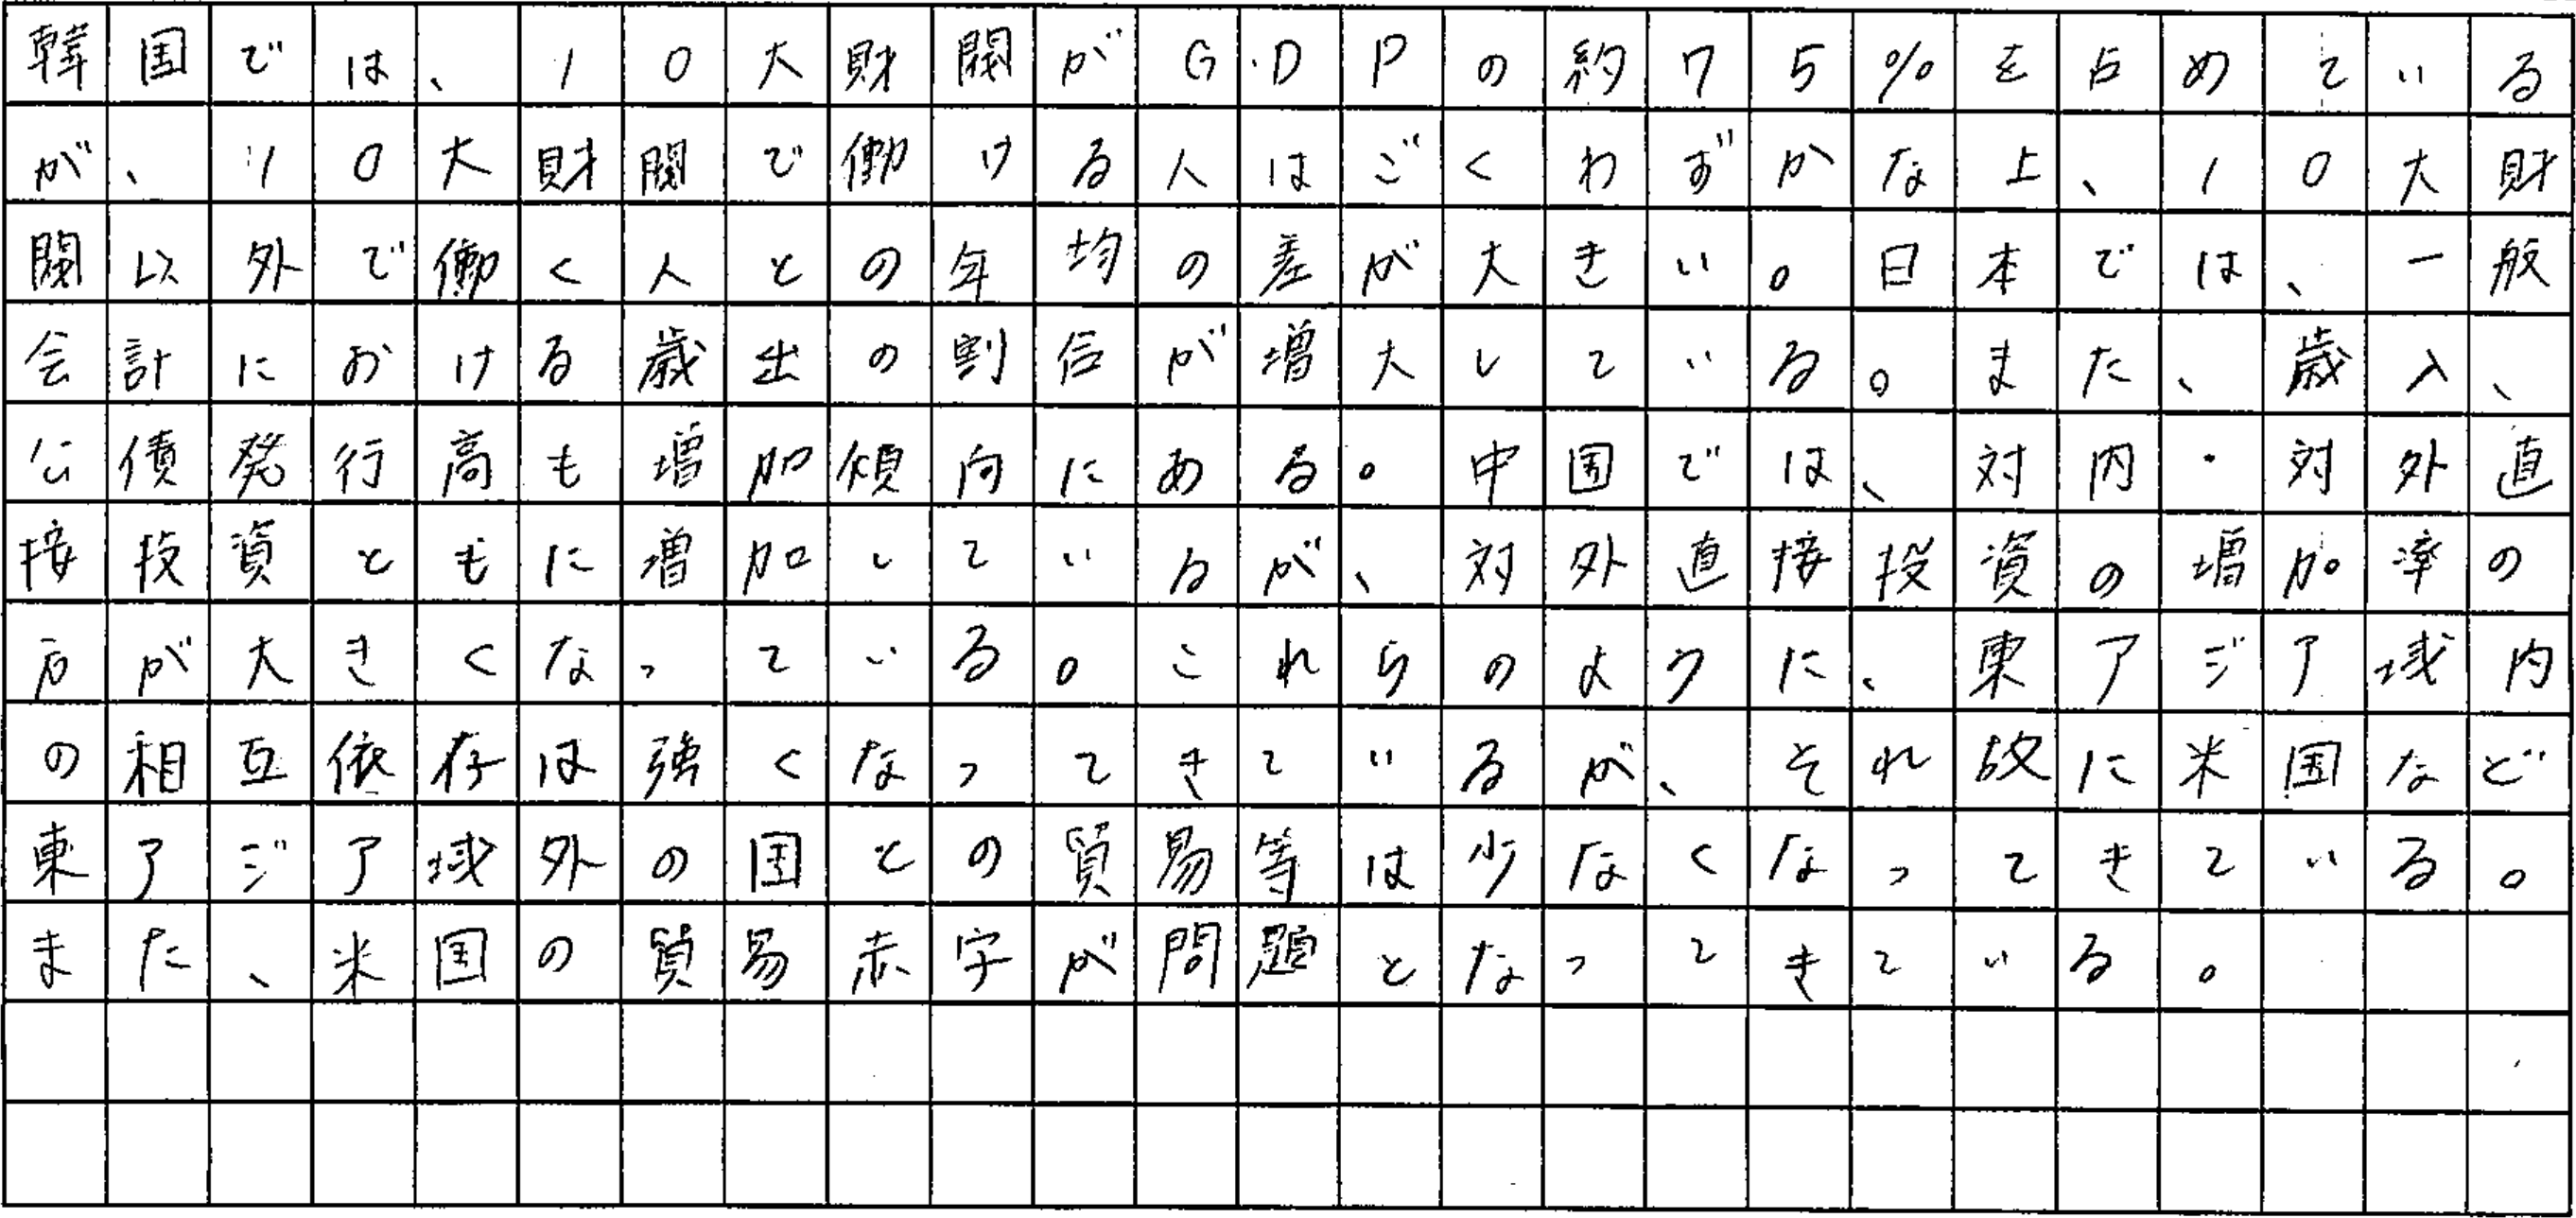韓国では、１０大財閥がＧＤＰの約７５％を占めているが、１０大財閥で働ける人はごくわずかな上、１０大財閥以外で働く人との年均の差が大きい。日本では、一般会計における歳出の割合が増大している。また、歳入、公債発行高も増加傾向にある。中国では、対内・対外直接投資ともに増加しているが、対外直接投資の増加率の方が大きくなっている。これらのように、東アジア域内の相互依存は強くなってきているが、それ故に米国など東アジア域外の国との貿易等は少なくなってきている。また、米国の貿易赤字が問題となってきている。
